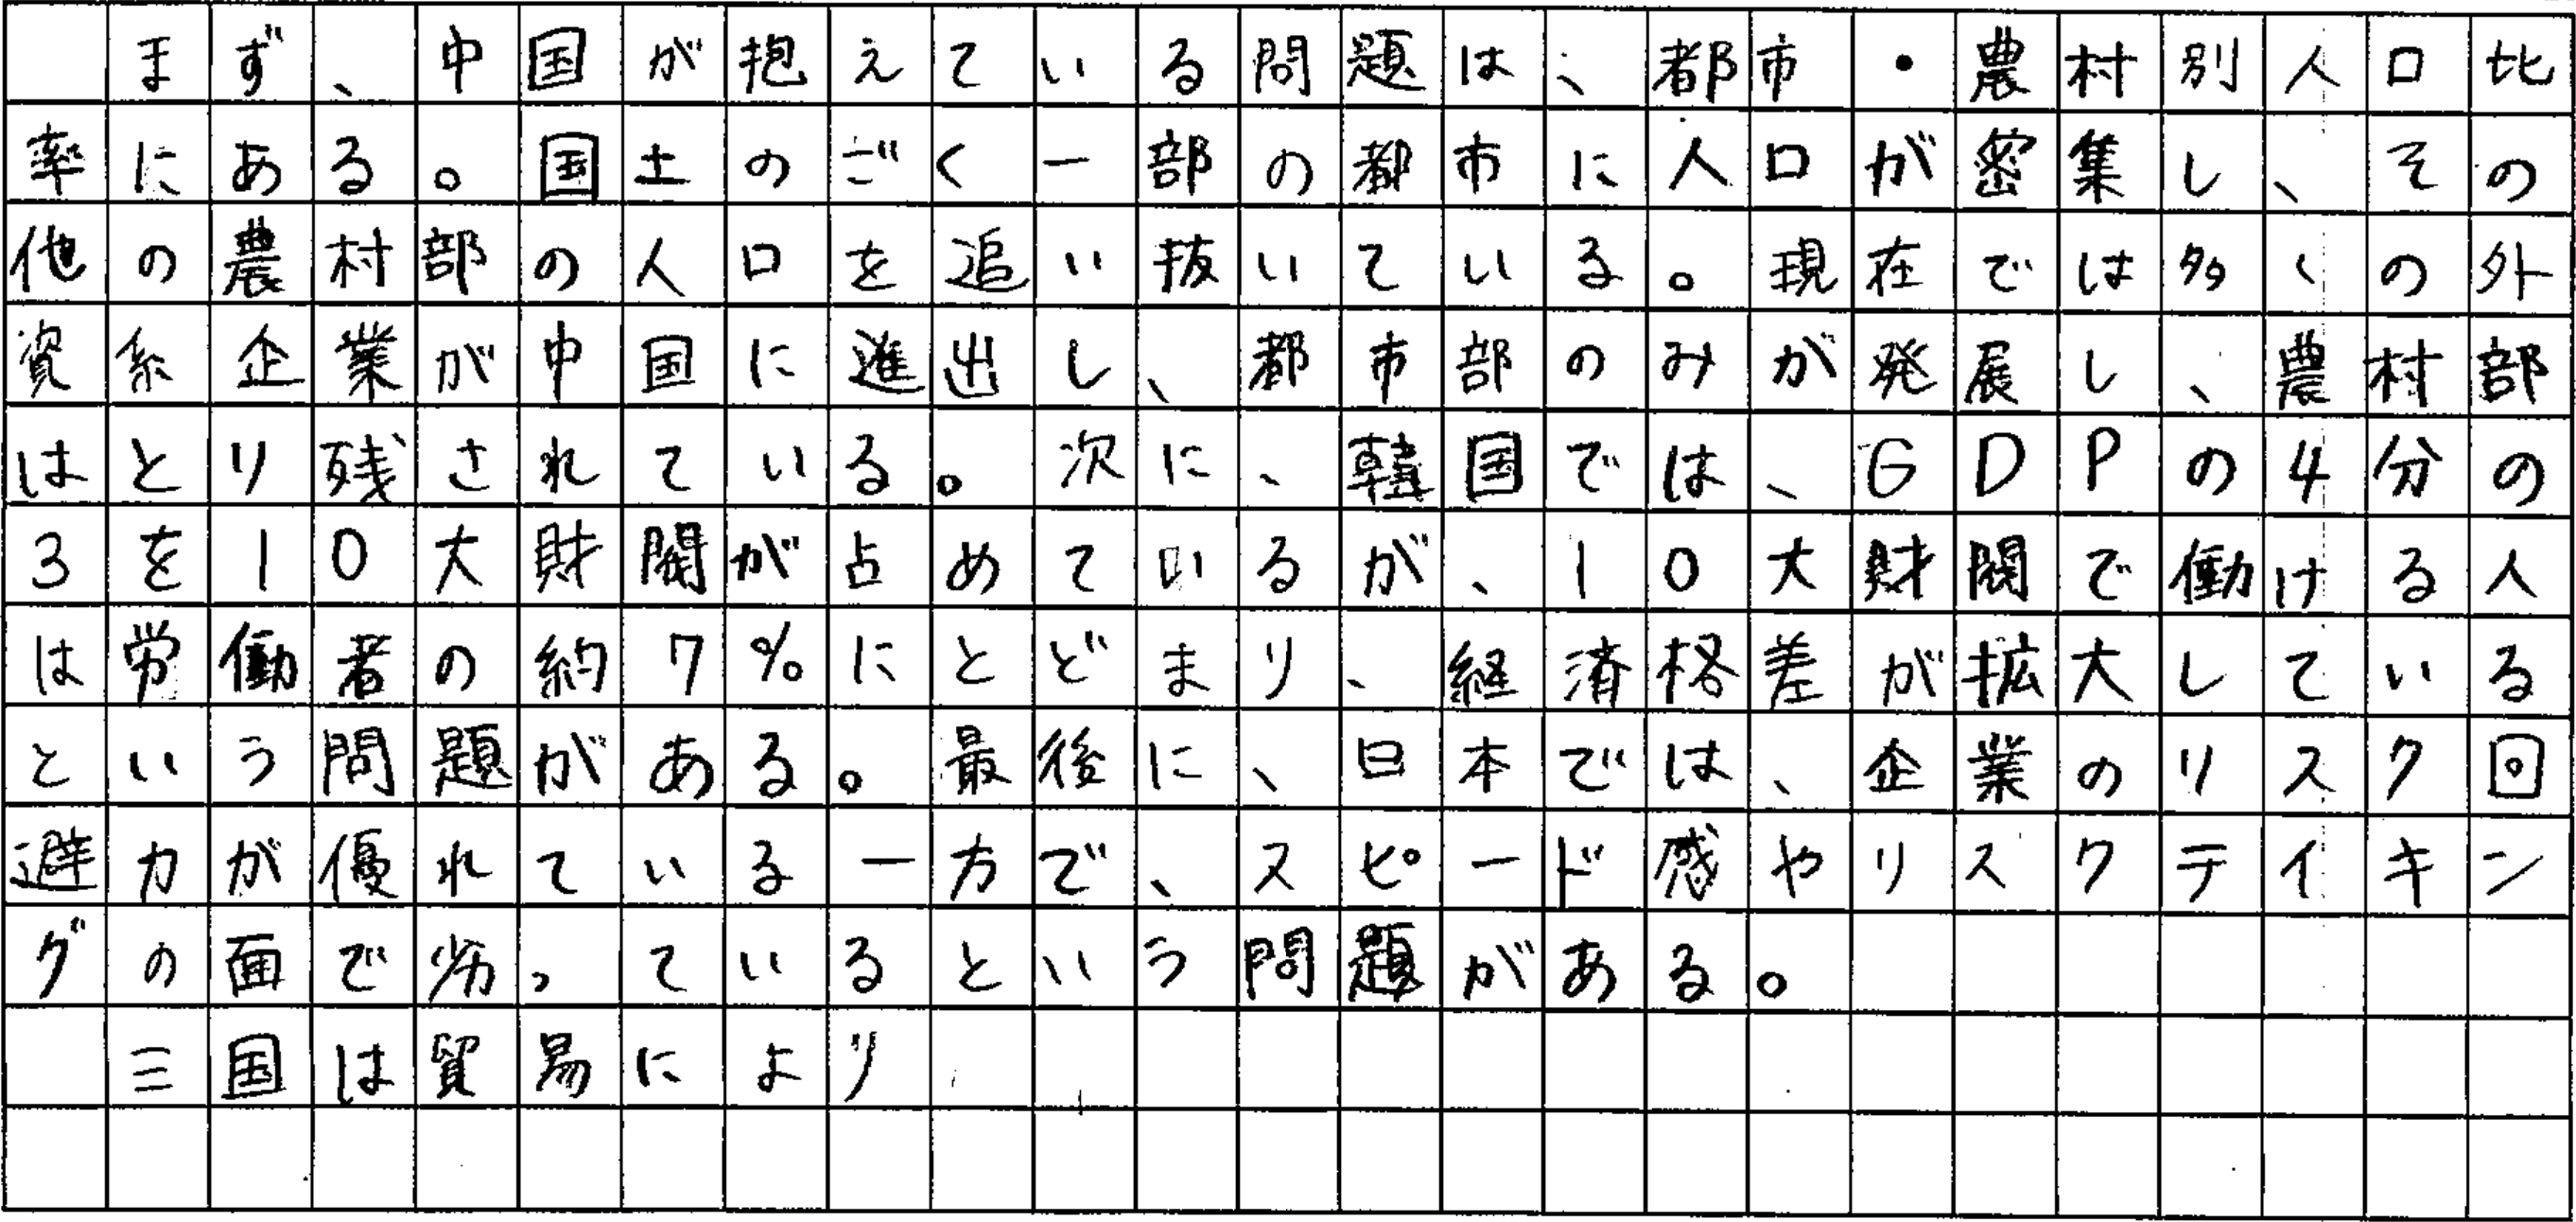　まず、中国が抱えている問題は、都市・農村別人口比率にある。国土のごく一部の都市に人口が密集し、その他の農村部の人口を追い抜いている。現在では多くの外資系企業が中国に進出し、都市部のみが発展し、農村部はとり残されている。次に、韓国では、ＧＤＰの４分の３を１０大財閥が占めているが、１０大財閥で働ける人は労働者の約７％にとどまり、経済格差が拡大しているという問題がある。最後に、日本では、企業のリスク回避力が優れている一方で、スピード感やリスクテイキングの面で劣っているという問題がある。
　三国は貿易により
